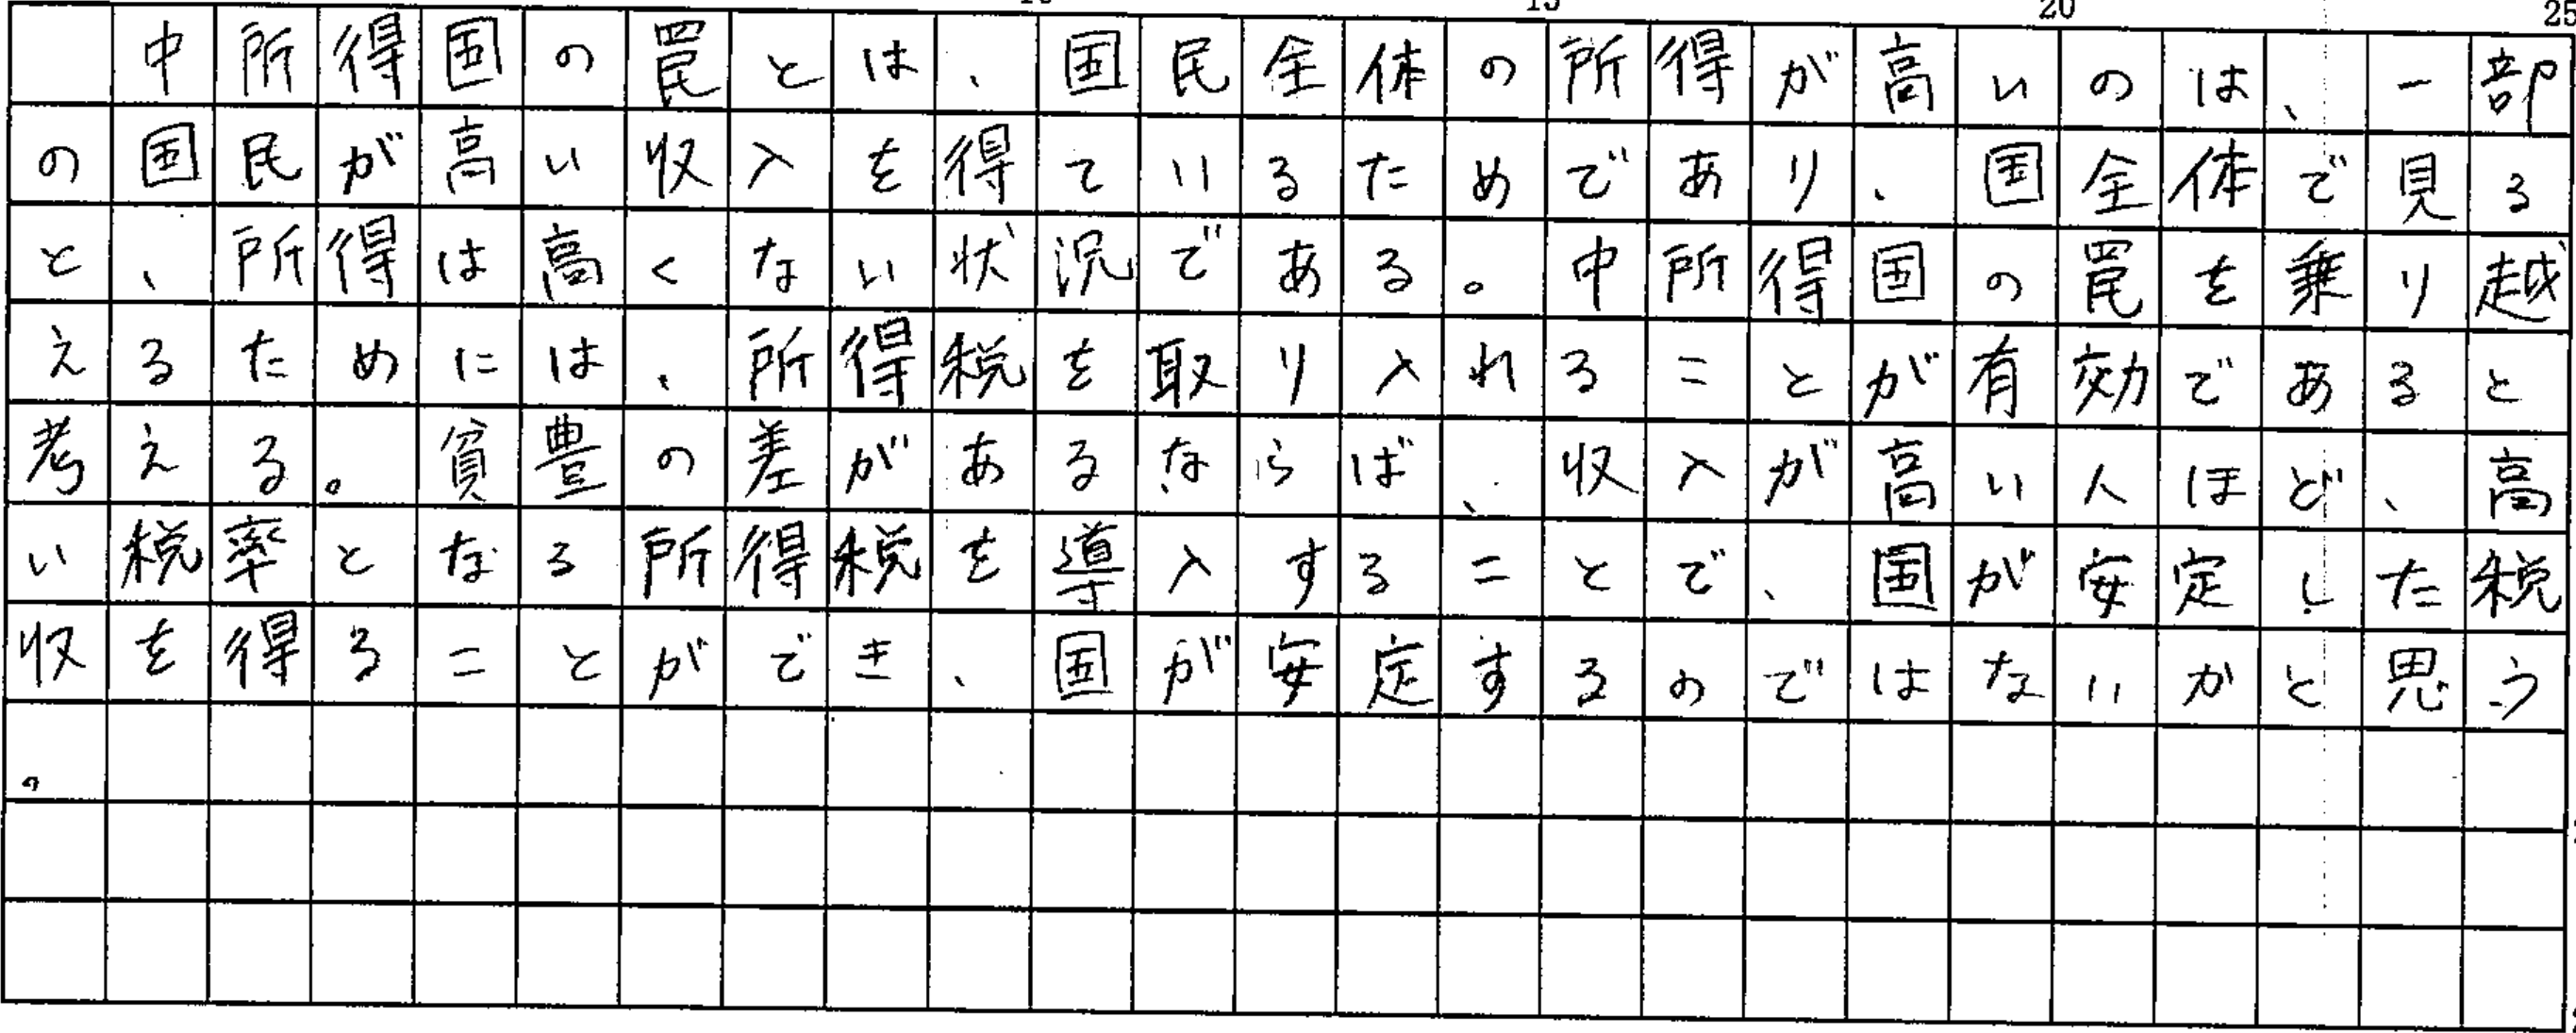　中所得国の罠とは、国民全体の所得が高いのは、一部の国民が高い収入を得ているためであり、国全体で見ると、所得は高くない状況である。中所得国の罠を乗り越えるためには、所得税を取り入れることが有効であると考える。貧豊の差があるならば、収入が高い人ほど、高い税率となる所得税を導入することで、国が安定した税収を得ることができ、国が安定するのではないかと思う。
